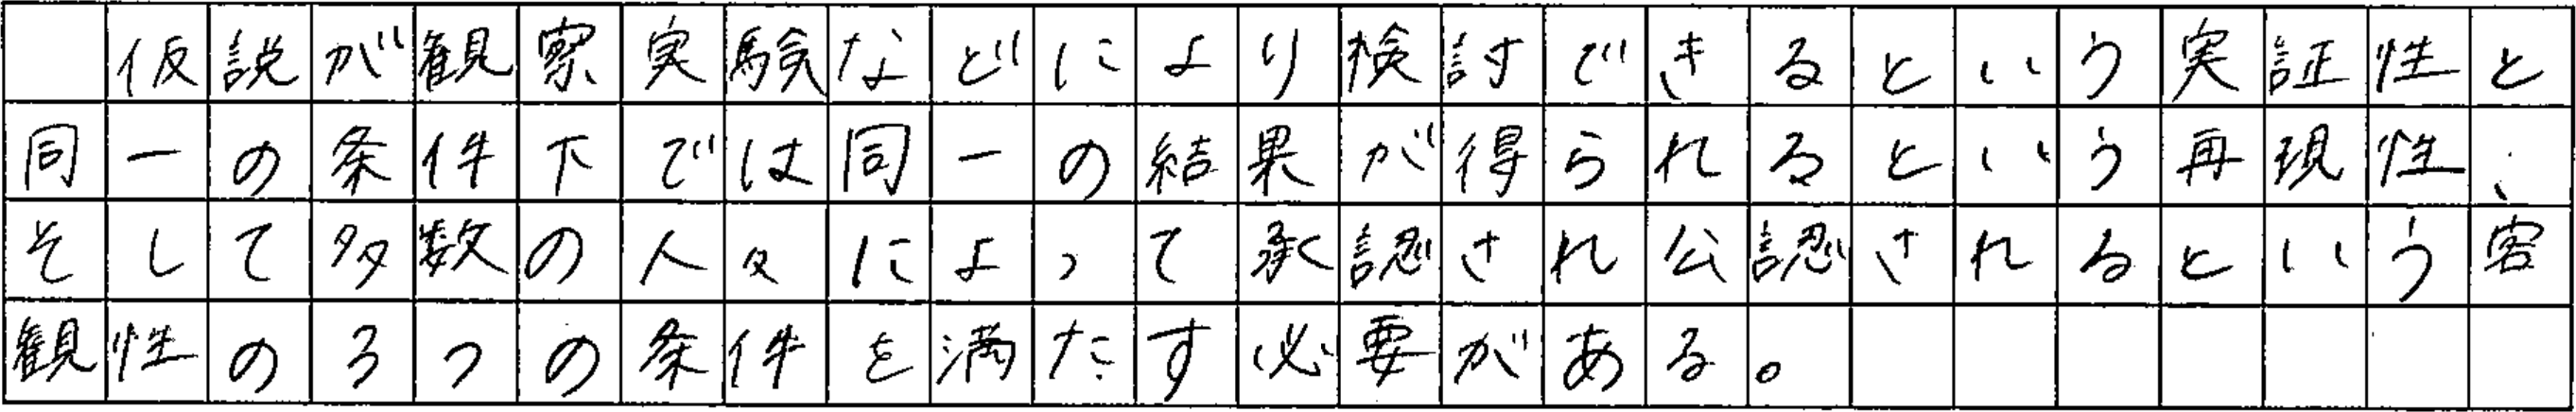　仮説が観察実験などにより検討できるという実証性と同一の条件下では同一の結果が得られるという再現性、そして多数の人々によって承認され公認されるという客観性の３つの条件を満たす必要がある。
